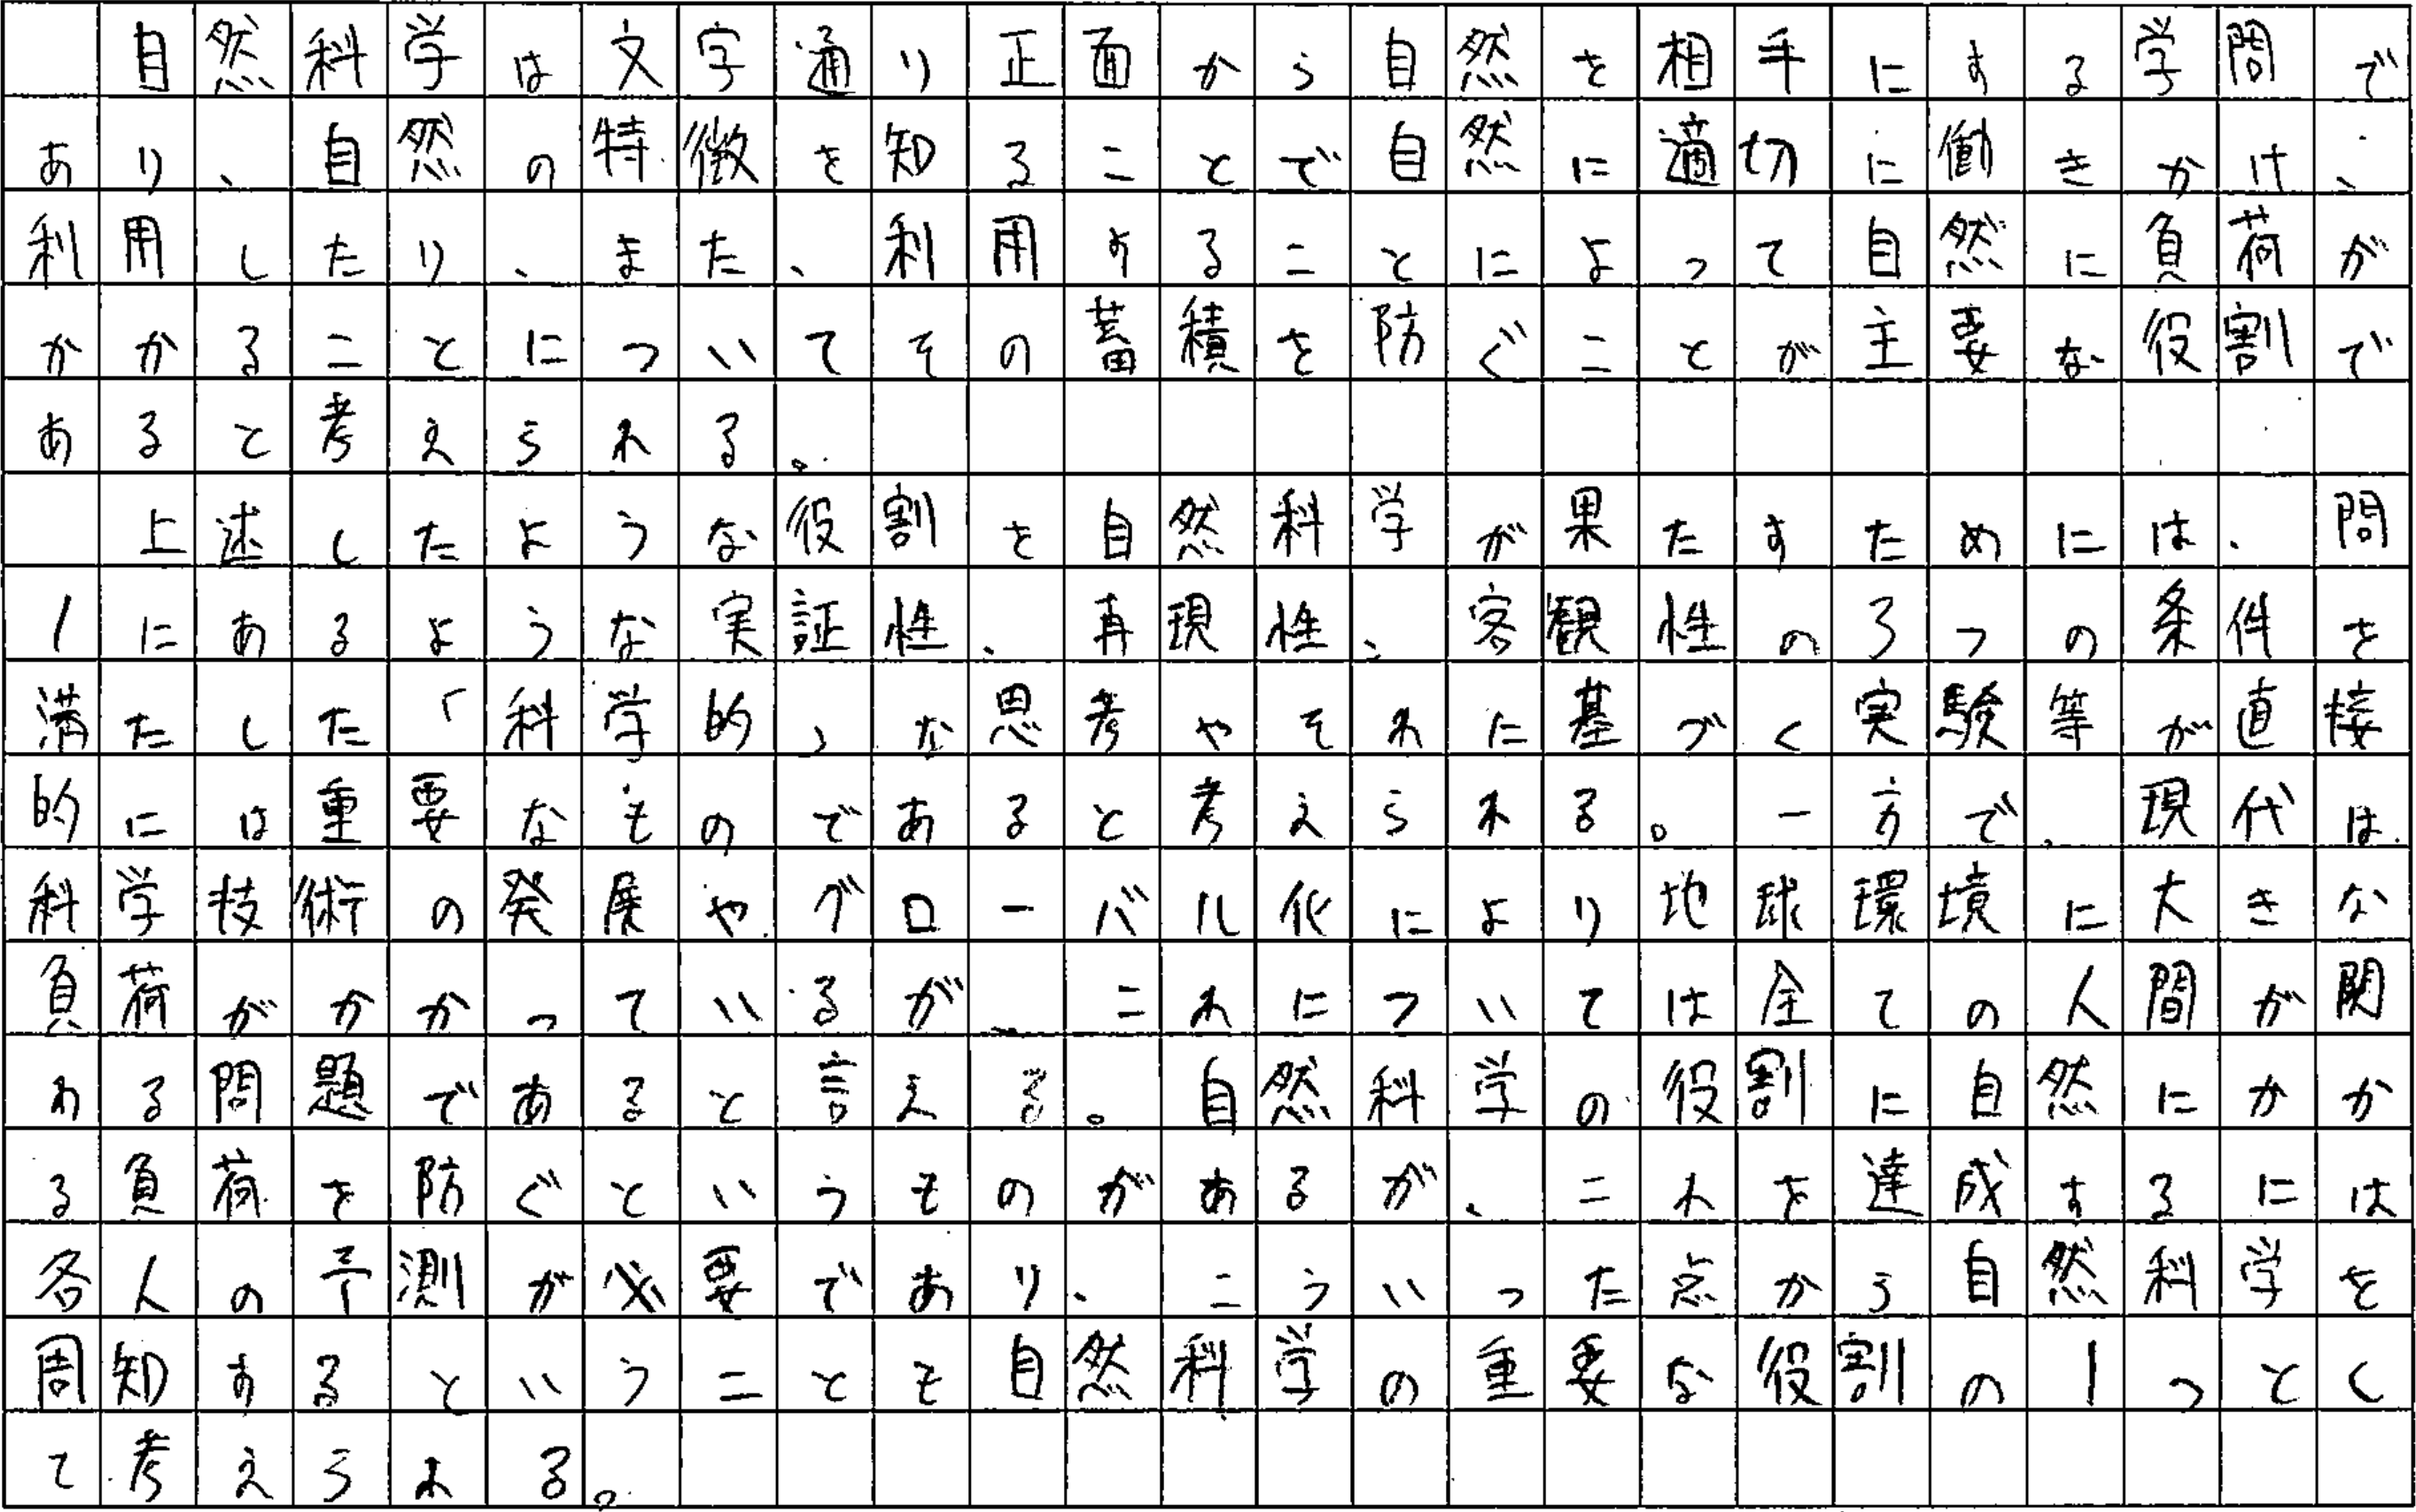自然科学は文字通り正面から自然を相手にする学問であり、自然の特徴を知ることで自然に適切に働きかけ、利用したり、また、利用することによって自然に負荷がかかることについてその蓄積を防ぐことが主要な役割であると考えられる。
　上述したような役割を自然科学が果たすためには、問１にあてはまるような実証性、再現性、客観性の３つの条件を満たした「科学的」な思考やそれに基づく実験等が直接的には重要なものであると考えられる。一方で、現代は科学技術の発展やグローバル化により地球環境に大きな負荷がかかっているが、これについてはすべての人間が関わる問題であると言える。自然科学の役割に自然にかかる負荷を防ぐというものがあるが、これを達成するには各人の予測が必要であり、こういった点から自然科学を周知するということも自然科学の重要な役割の１つとして考えられる。
